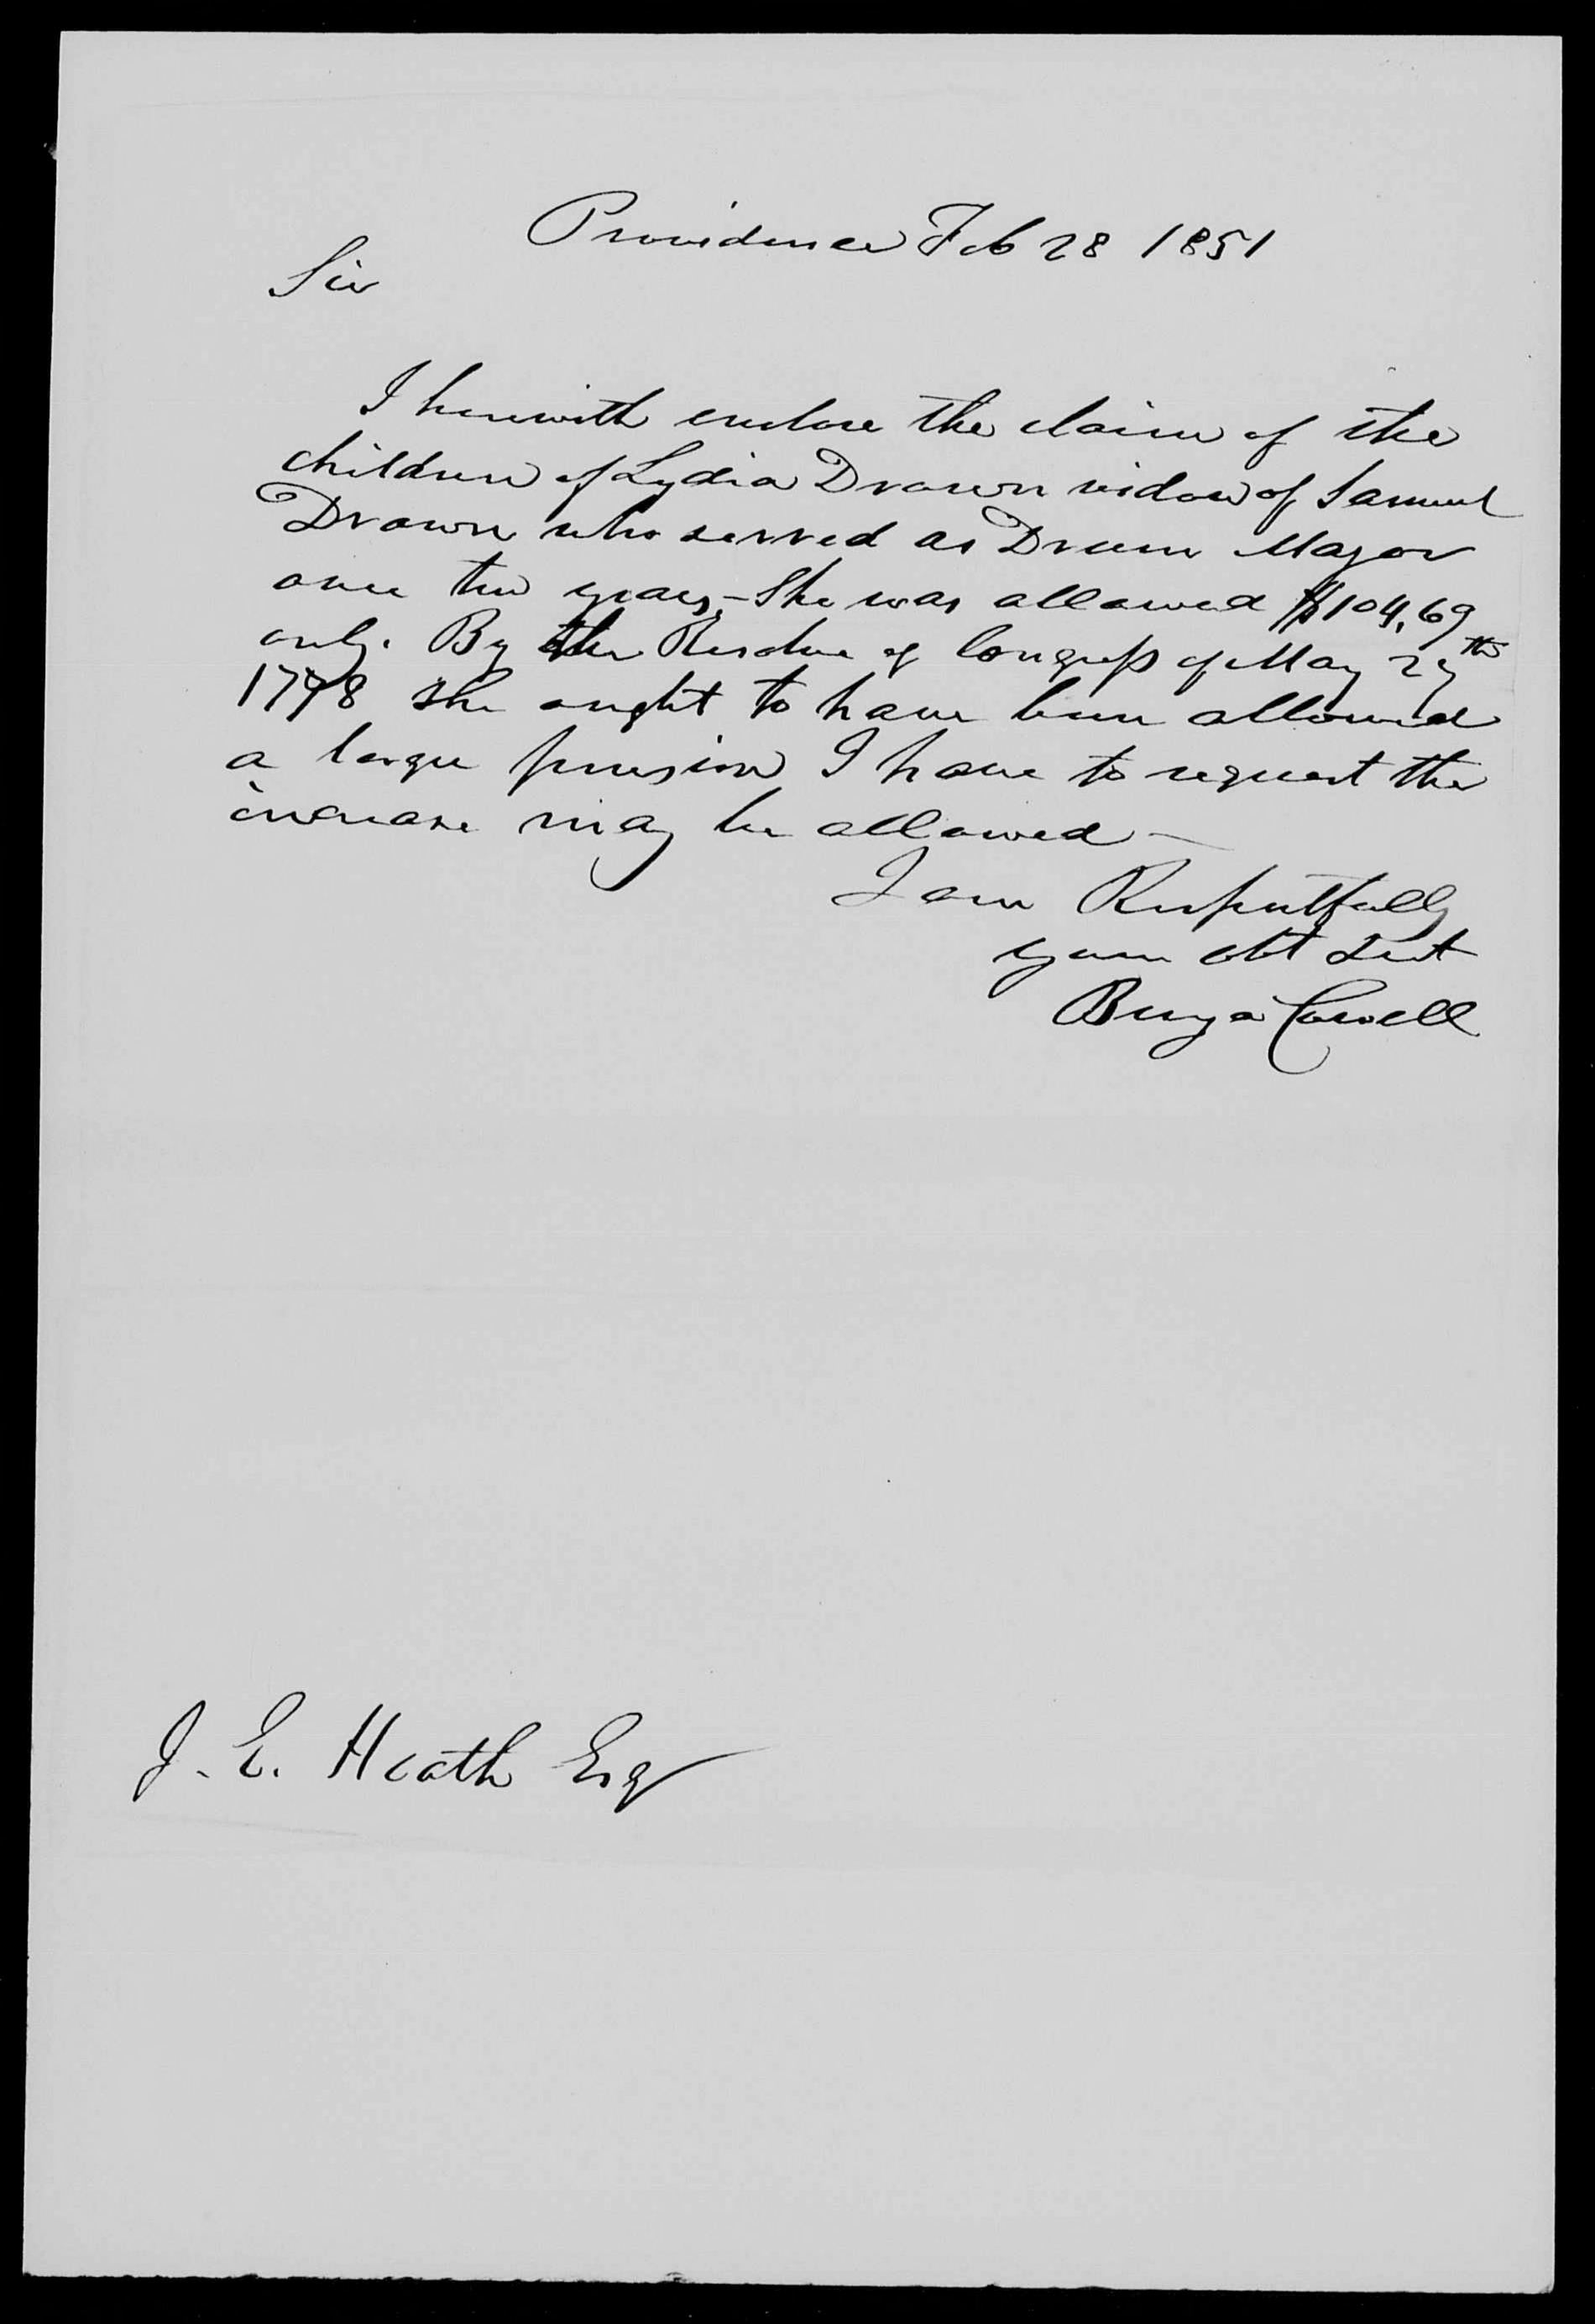Providence Feb 28 1851

Sir
I herewith enclose the claim of  the
children of Lydia Drown widow of Samuel
Drown who served as Drum Major
over two years, - She was allowed $104, 69
only. By the Resolve of Congress of May 27th
1778 she ought to have been allowed
a larger pension I have to request the
increase may be allowed-
I am Respetfully
your obt sevt
Benja Cowell

J.E. Heath Esq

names: J E Heath, Benja Cowell, Samuel Drown, Lydia Drown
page: 25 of 31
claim: widow's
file: W 21004, Samuel Drown, R.I.